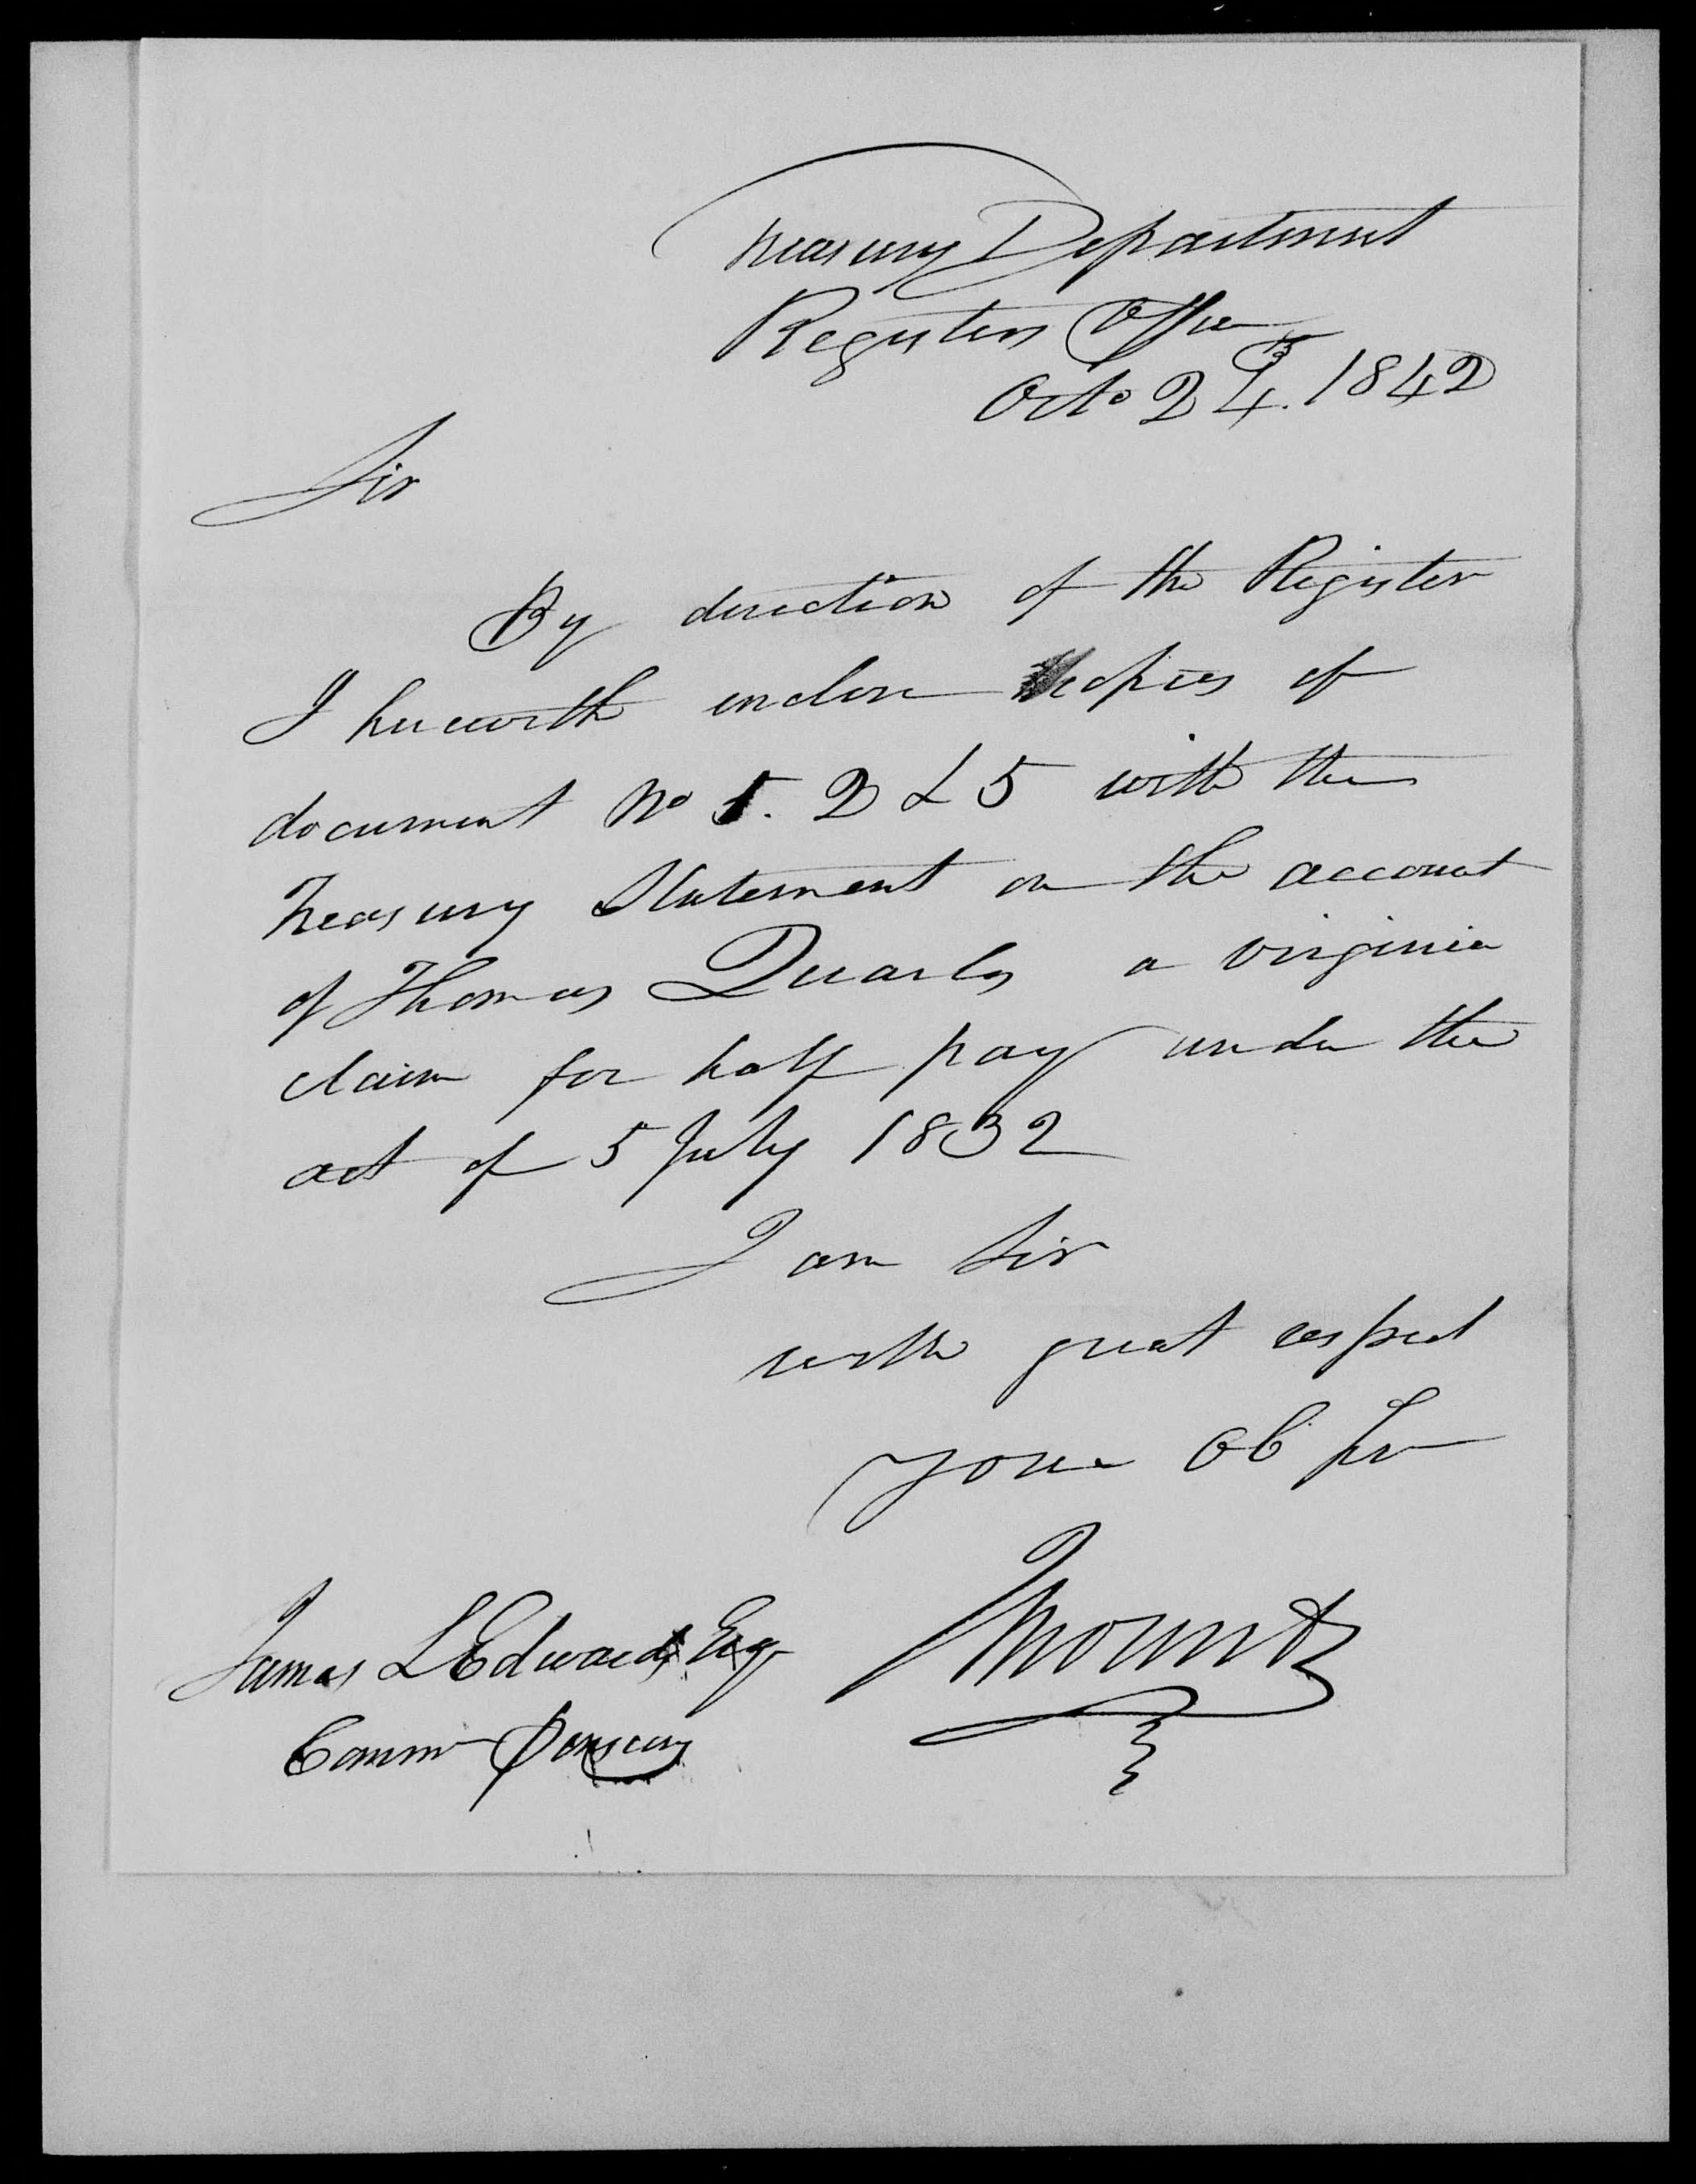Treasury Department
Register Office
Oct. 24, 1842

Sir

By direction of the Register I herewith enclose copies of document No. 1, 2 + 5 with the Treasury Statement on the account of Thomas Quarles a Virginia claim for half pay under the act of 5 July 1832

I am Sir
with great respect
Your ob sv
? Mount

James L Edward Esq
Comm Pensions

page: 12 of 22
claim: rejected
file: R. 17251, for Thomas Quarles, Virginia